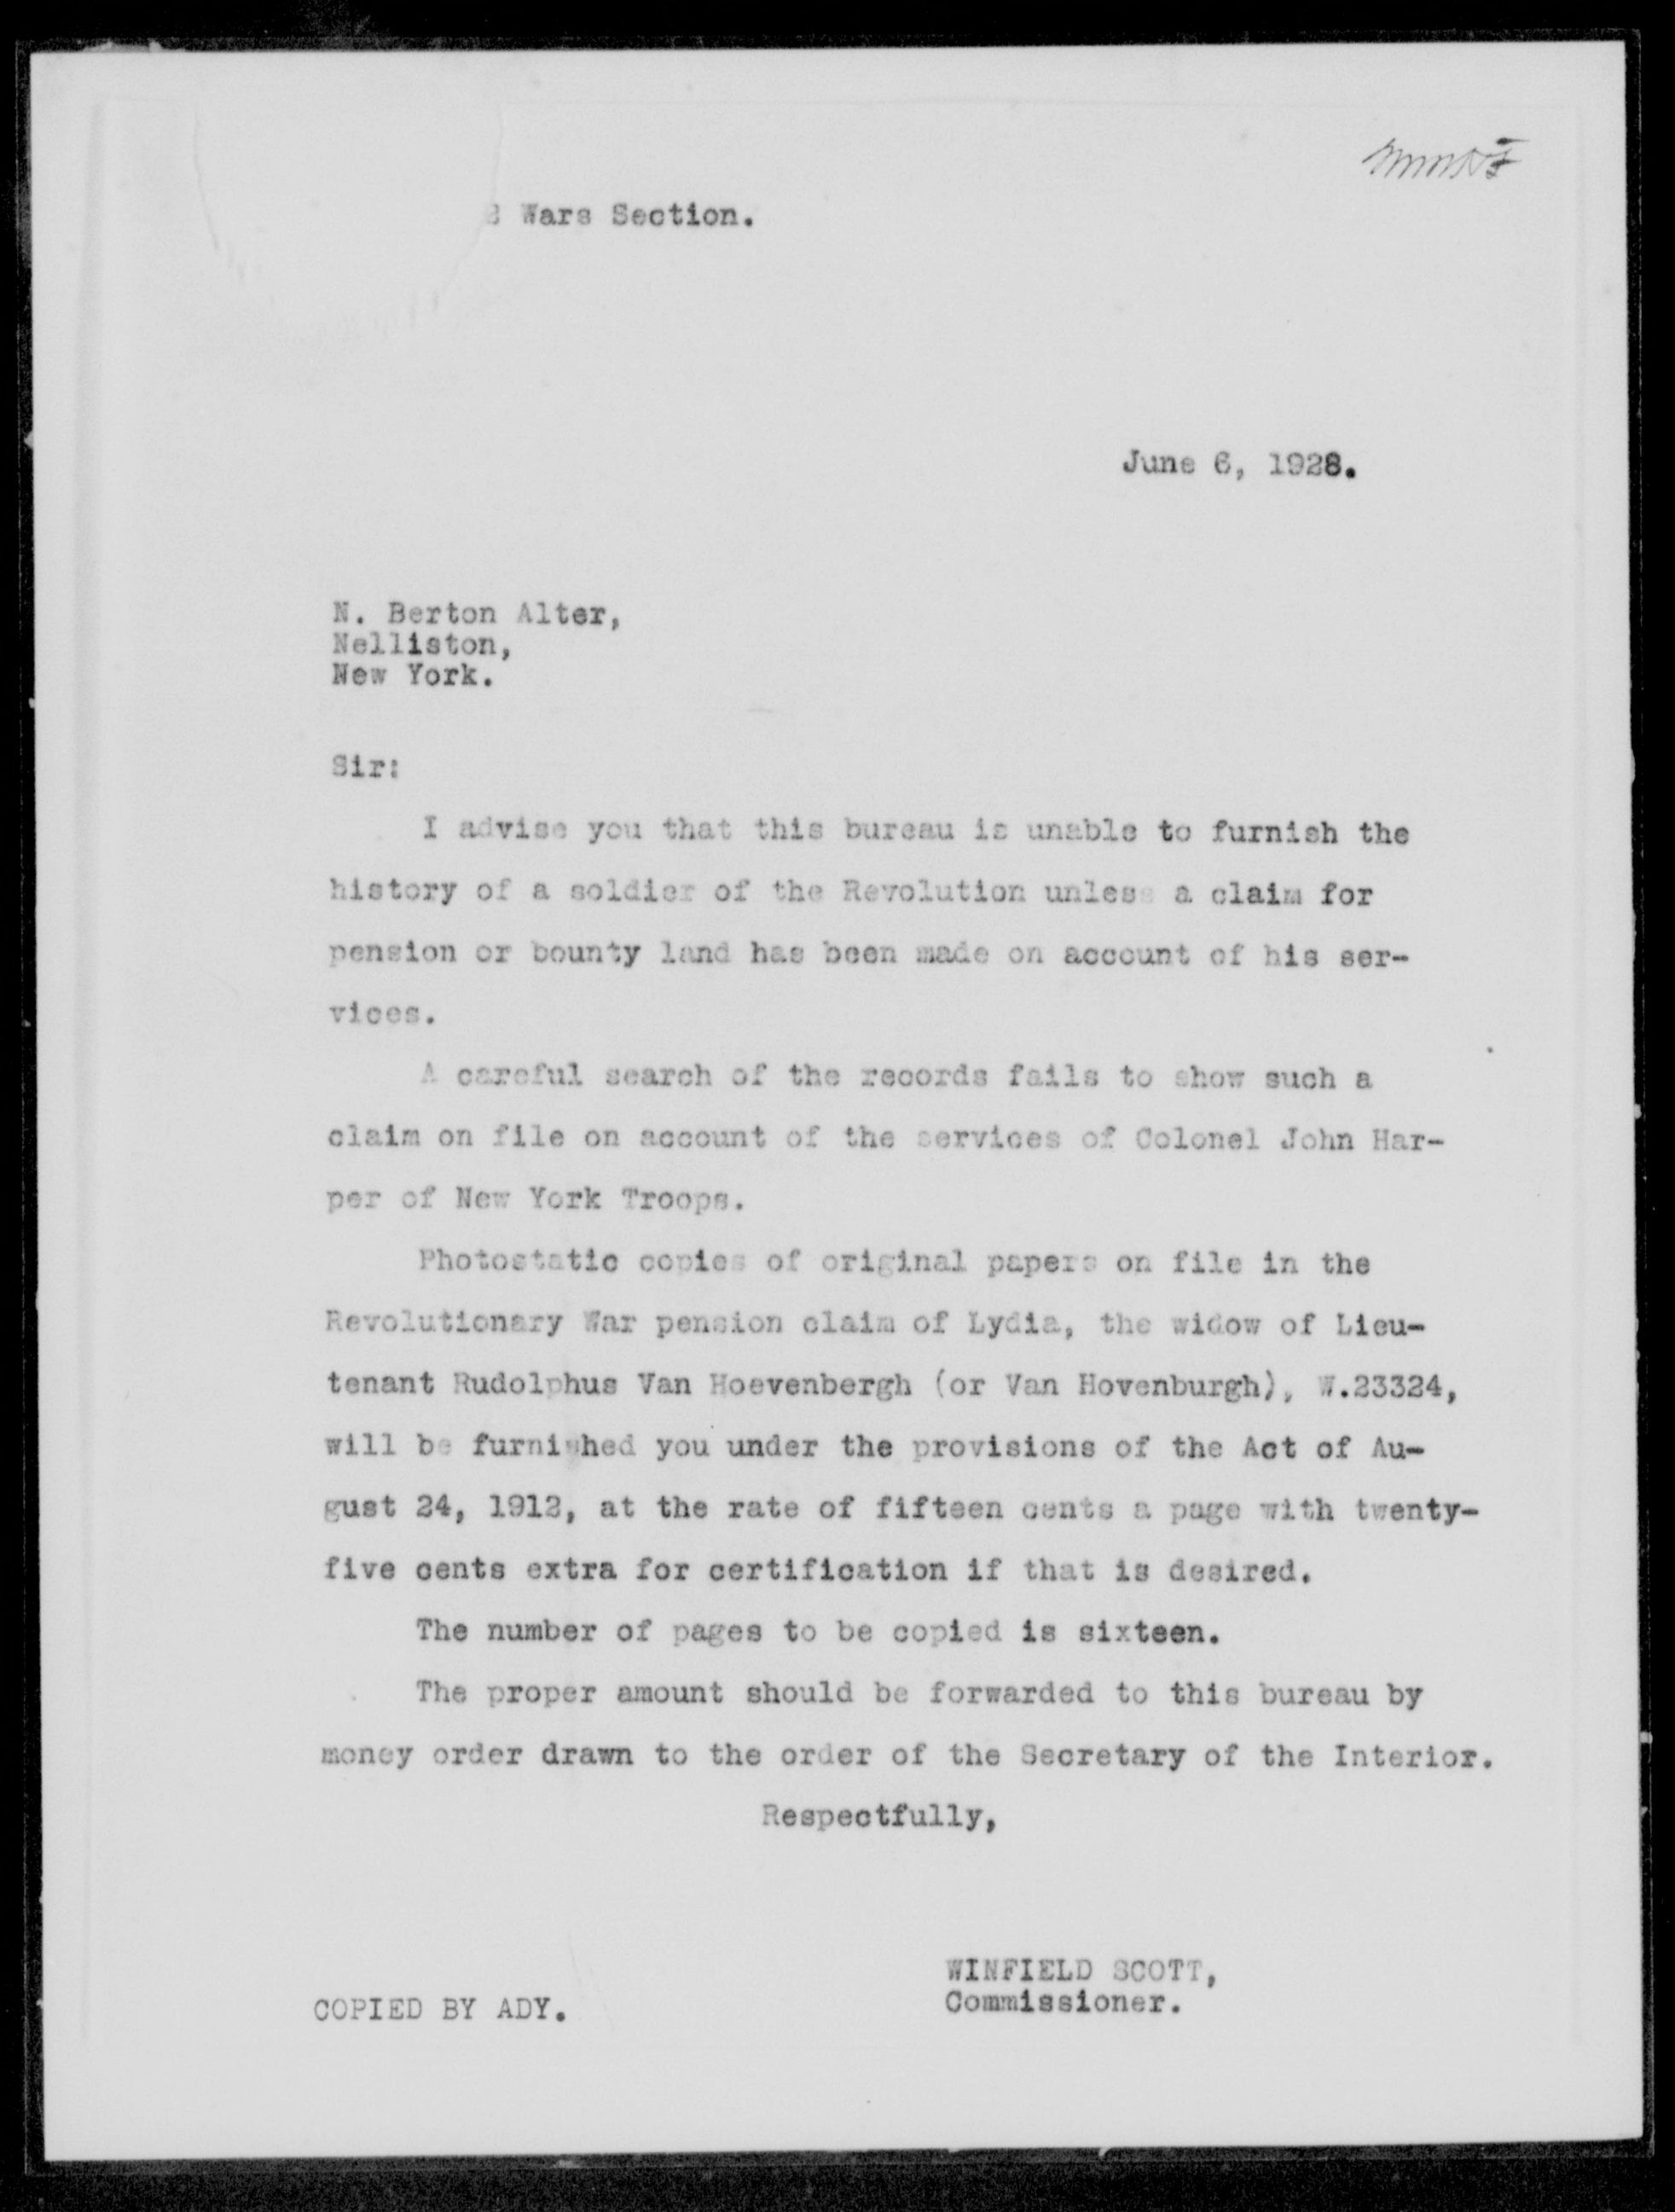[Indecipherable scribble in upper right corner]
June 6, 1928.
Wars Section.
N. Berton Alter,
Nelliston,
New York.
Sir:
I advise you that this bureau is unable to furnish the history of a soldier of the Revolution unless a claim for pension or bounty land has been made on account of his services.
A careful search of the records fails to show such a claim on file on account of the services of Colonel John Harper of New York Troops.
Photostatic copies of original papers on file in the Revolutionary War pension claim of Lydia, the widow of Lieutenant Rudolphus Van Hoevenbergh ( or Van Hovenburgh), W.23324, will be furnished you under the provisions of the Act of August 24, 1912, at the rate of fifteen cents a page with twenty-five cents extra for certification if that is desired.
The number of pages to be copied is sixteen.
The proper amount should be forwarded to this bureau by money order drawn to the order of the Secretary of the Interior.
Respectfully,
WINFIELD SCOTT,
Commissioner.
COPIED BY ADY.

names: N Berton Alter, Winfield Scott, Rudolphus Van Hovenburgh, John Harper, Lydia, Rudolphus Van Hoevenbergh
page: 20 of 38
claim: widow's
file: W. 23324, Rudolphus Van Hoevenbergh, New York